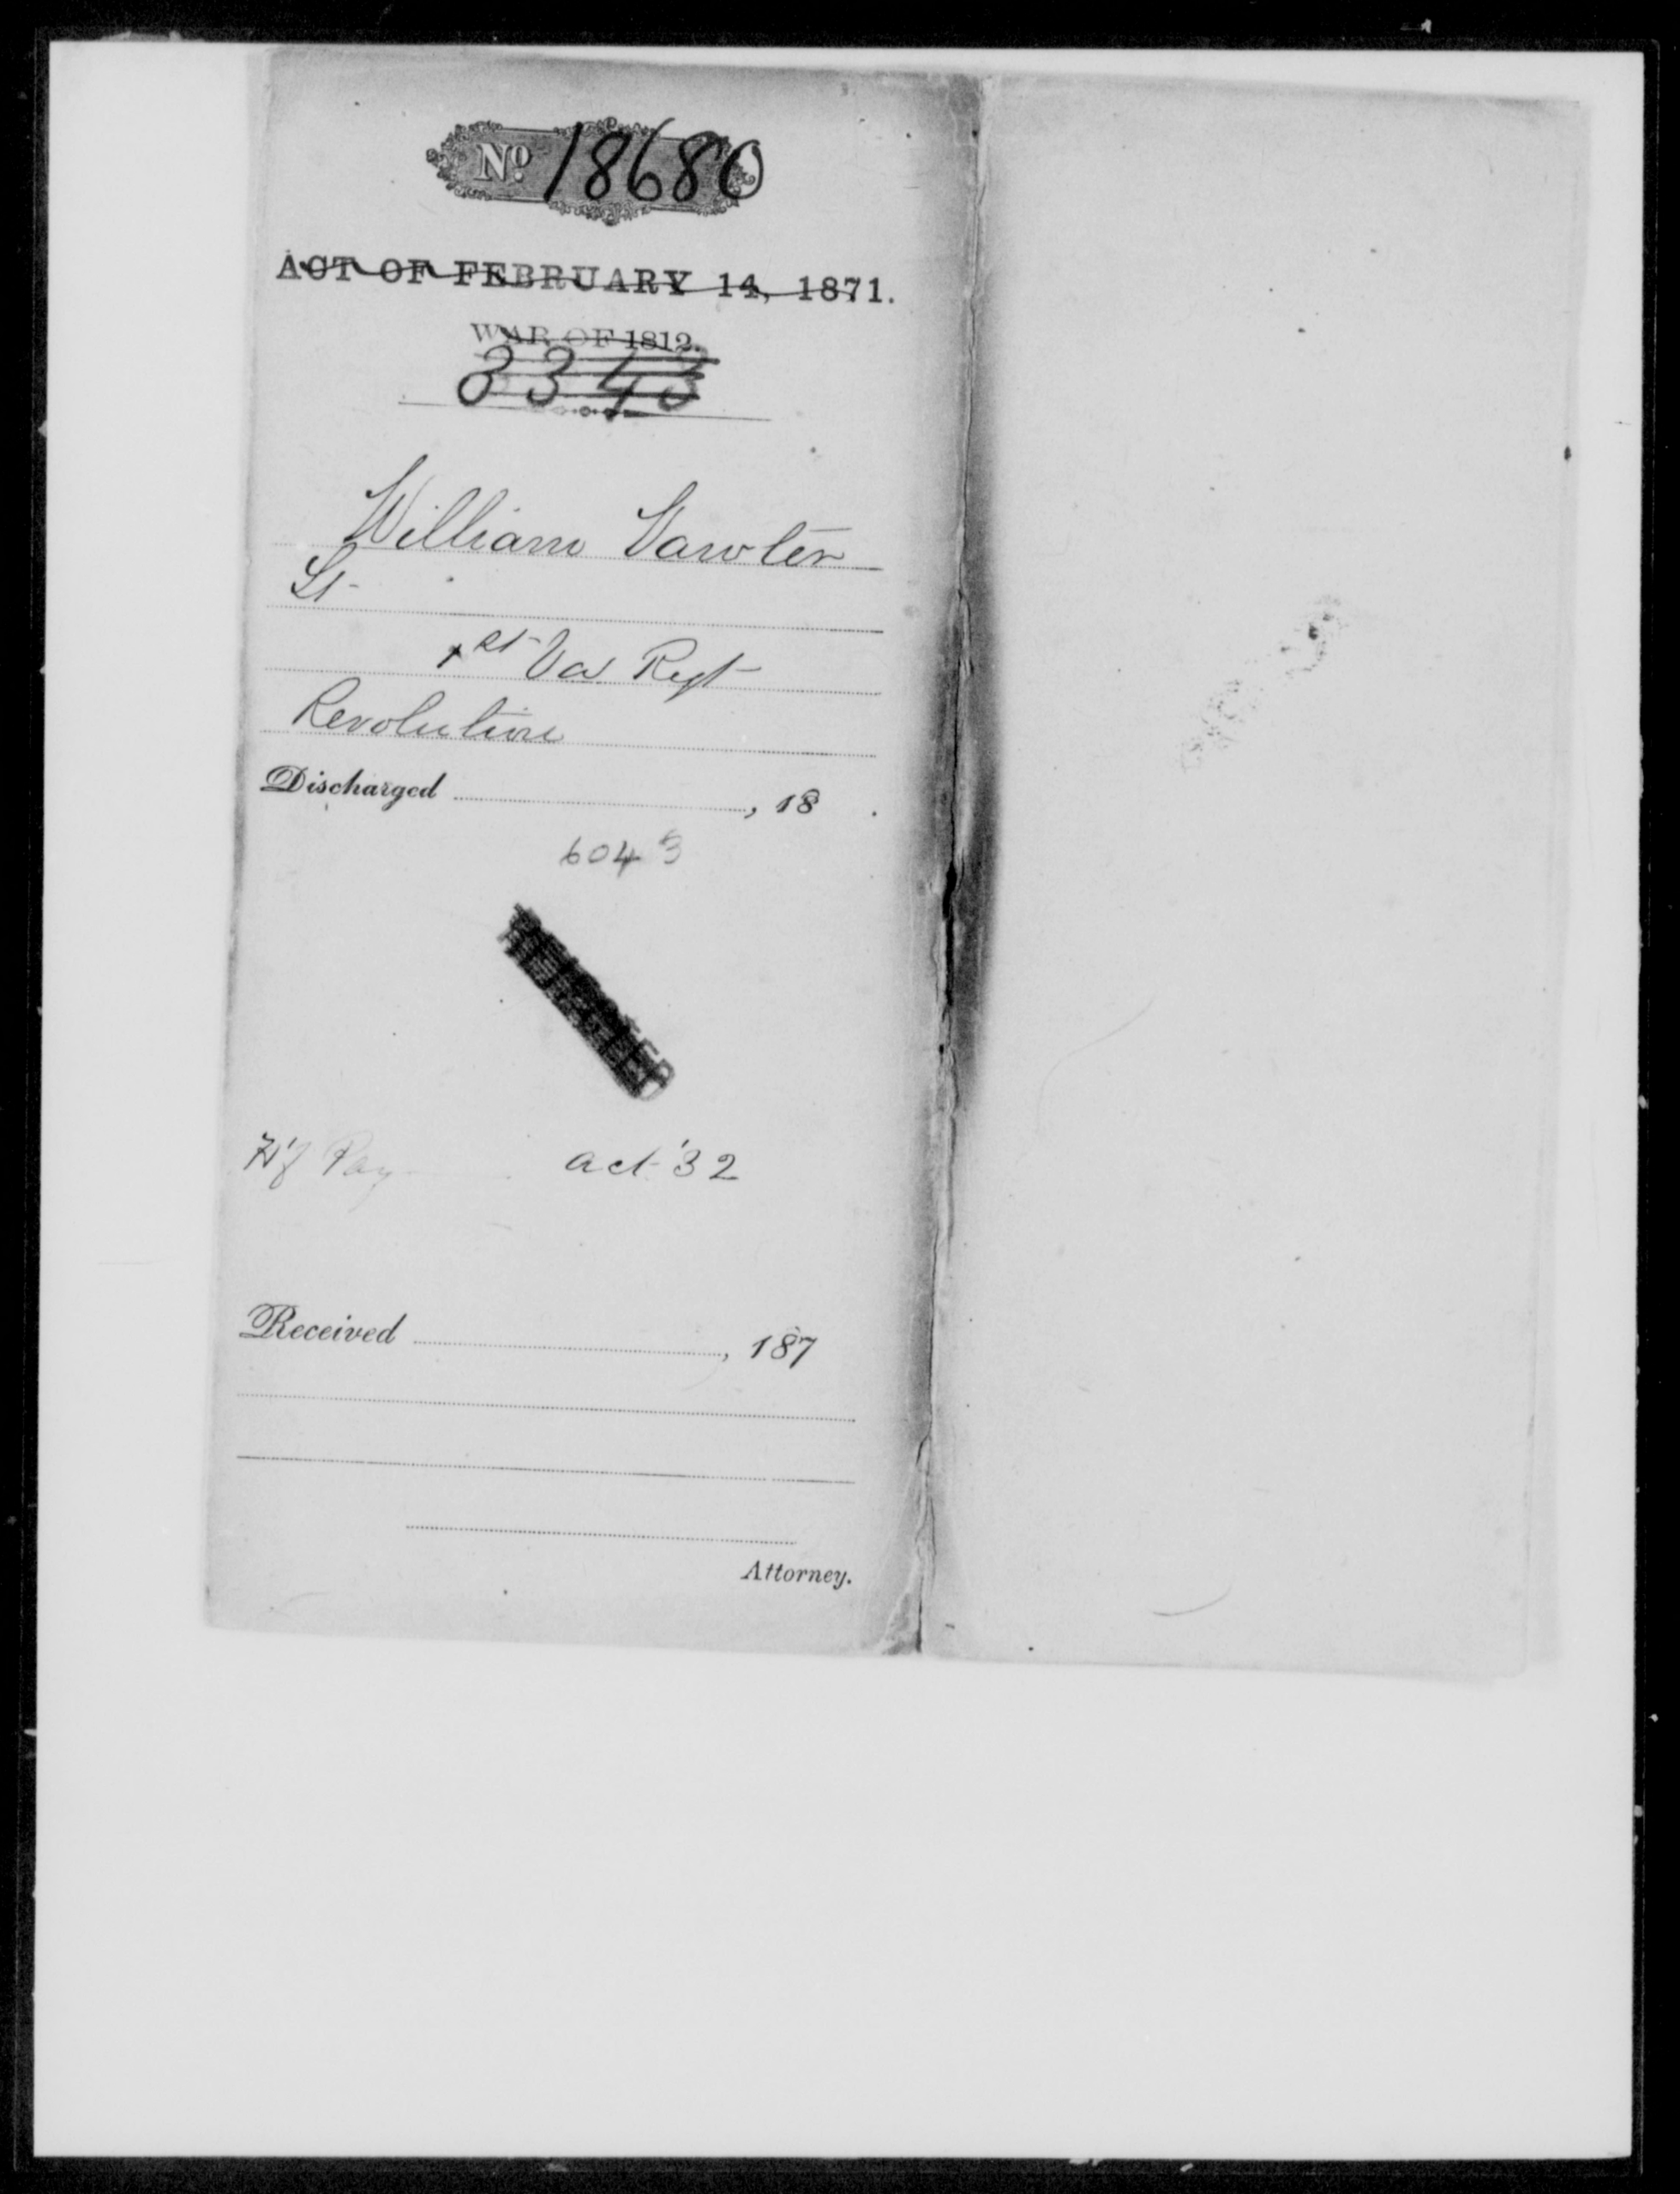No. 18680
ACT OF FEBRUARY 14, 1871.
WAR OF 1812.
3343
William Vawter
Lt.
1st Va Regt
Revolution
Discharged____,18
6043
H'f Pay   act 32
Received_______________,187
Attorney.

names: William Vawter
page: 14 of 51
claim: rejected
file: R. 10,921, William Vawter, Va.